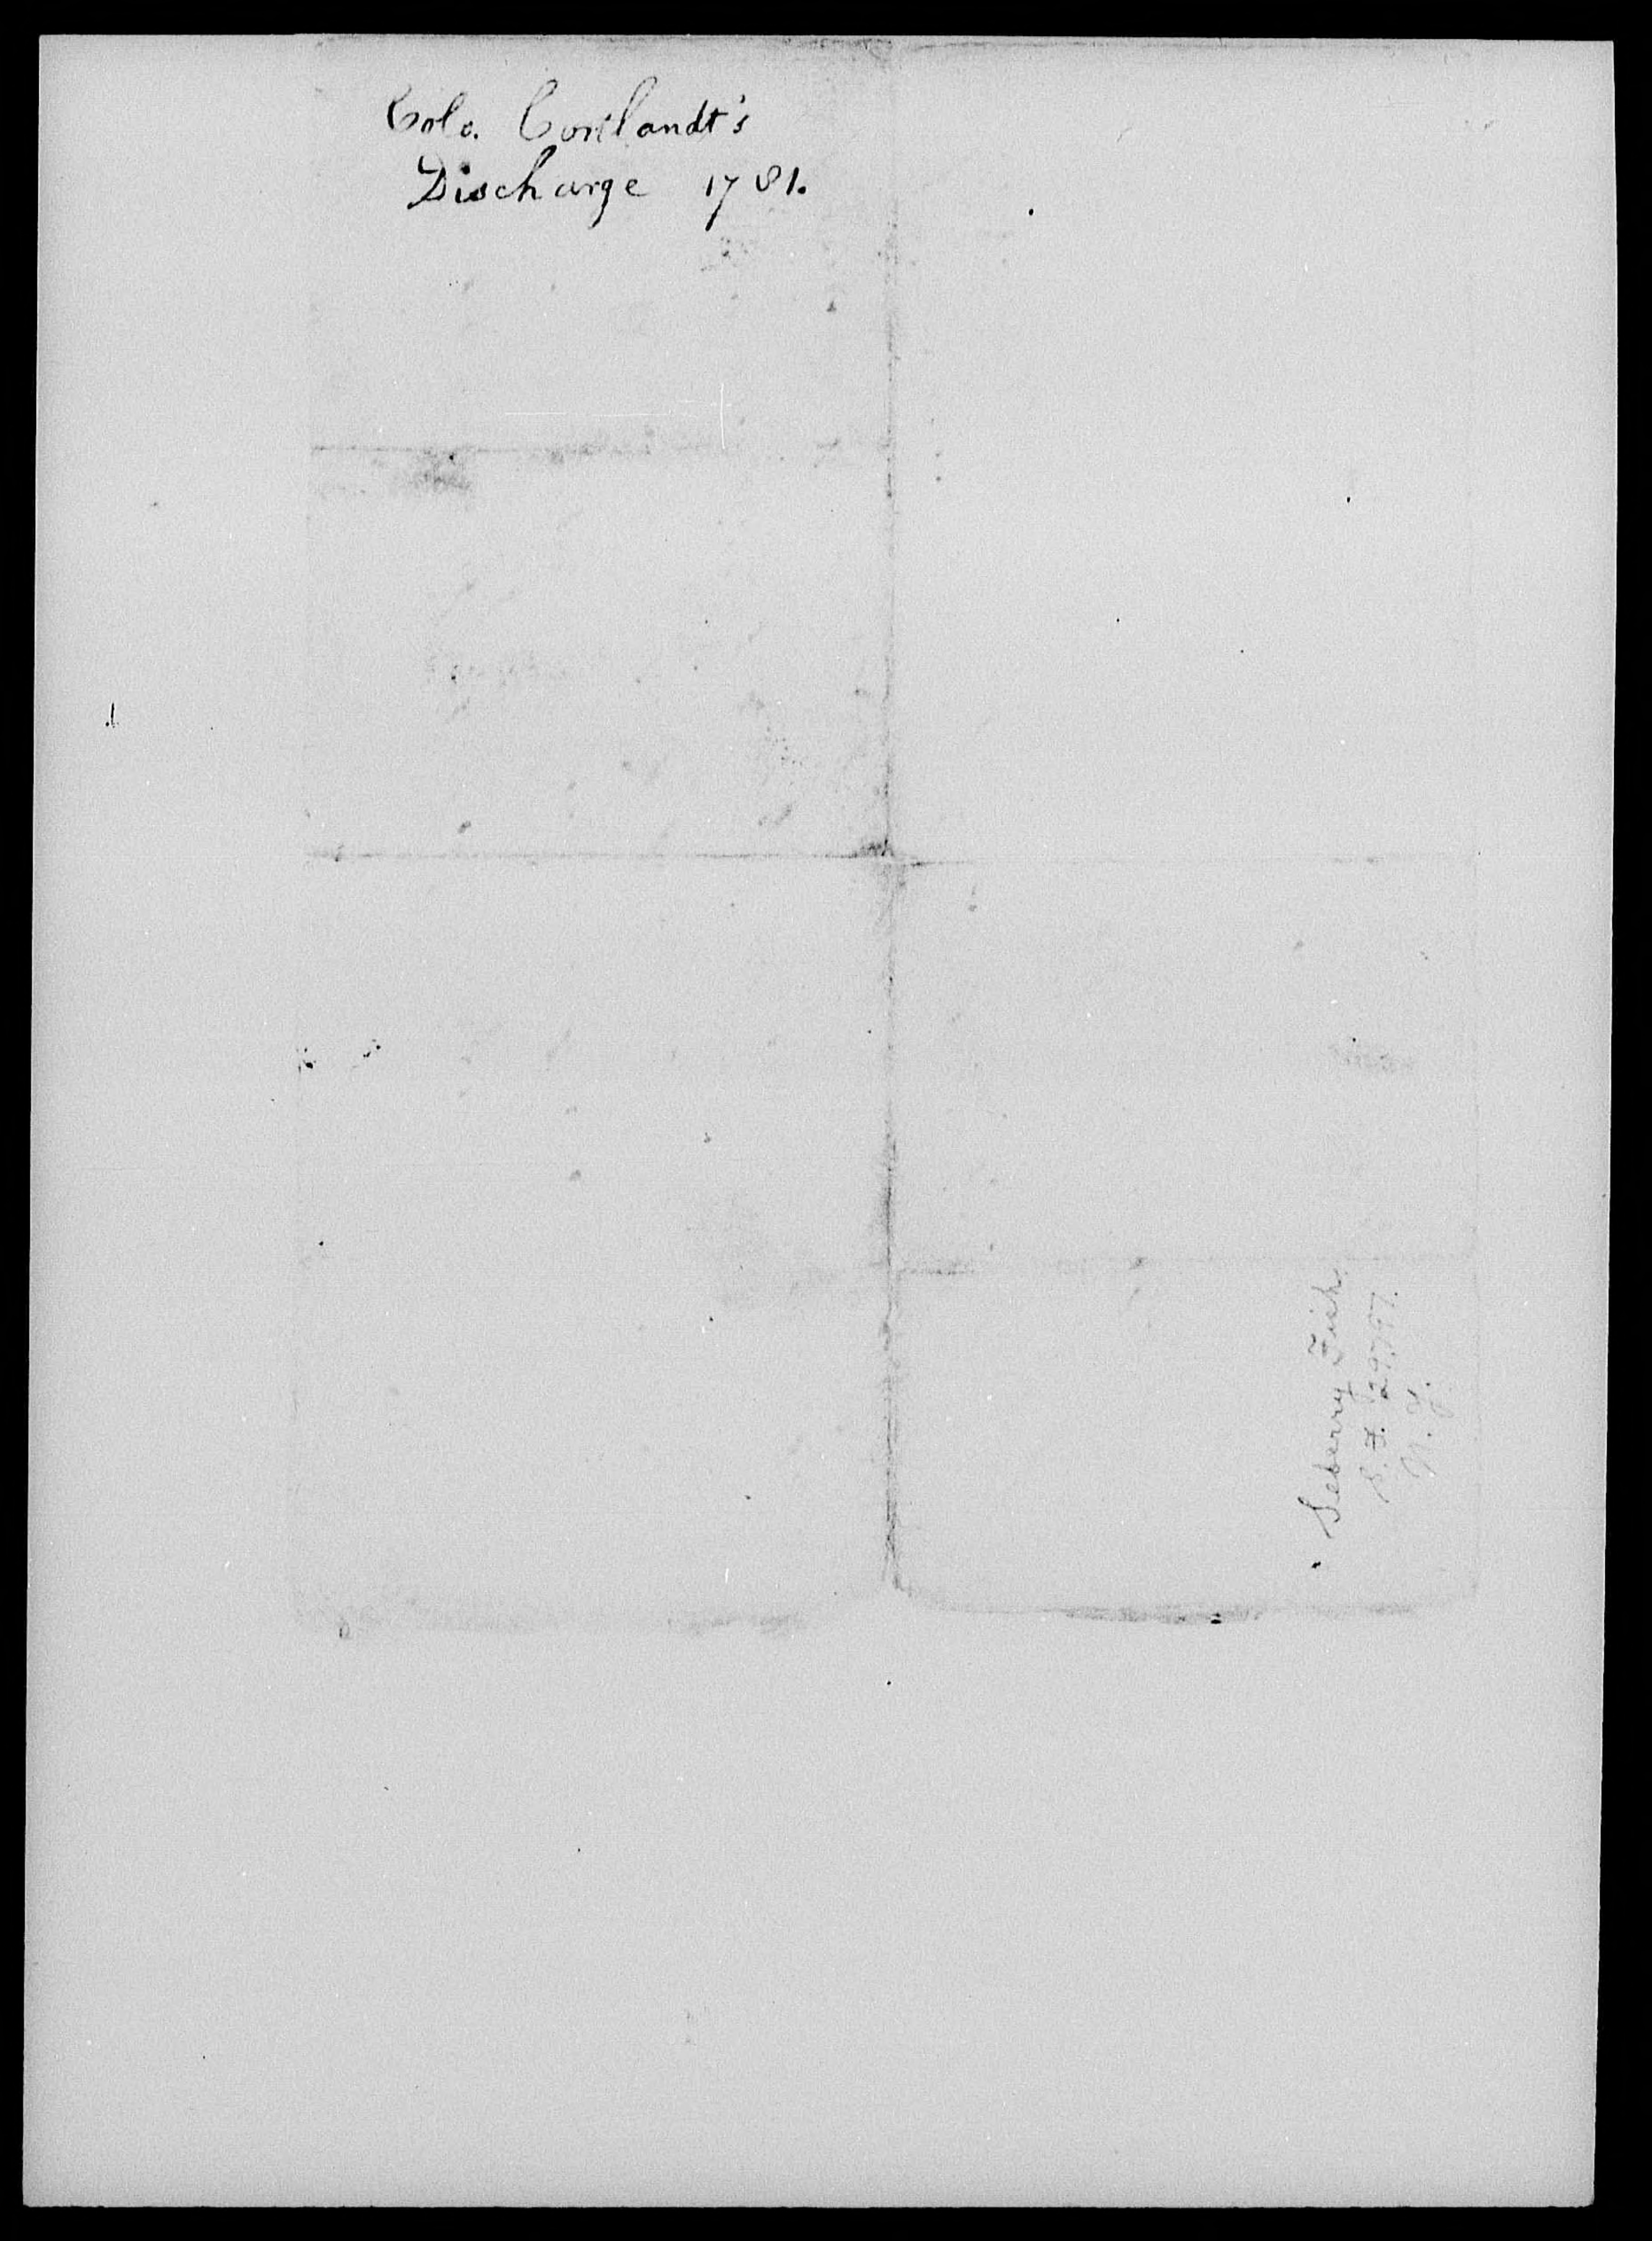[Handwritten near the top of this document, which had been folded into quarters:] 

Colo. Cortlandt's 
Discharge 1781.  

[Near the bottom right corner of the page, written perpendicularly, there appears a lighter inscription:]
Seberry Fish.
S.F. 29,797.
N.Y.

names: Seberry Fish, Cortlandt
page: 10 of 26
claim: survivor's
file: S. 29797, Seberry Fish, New York